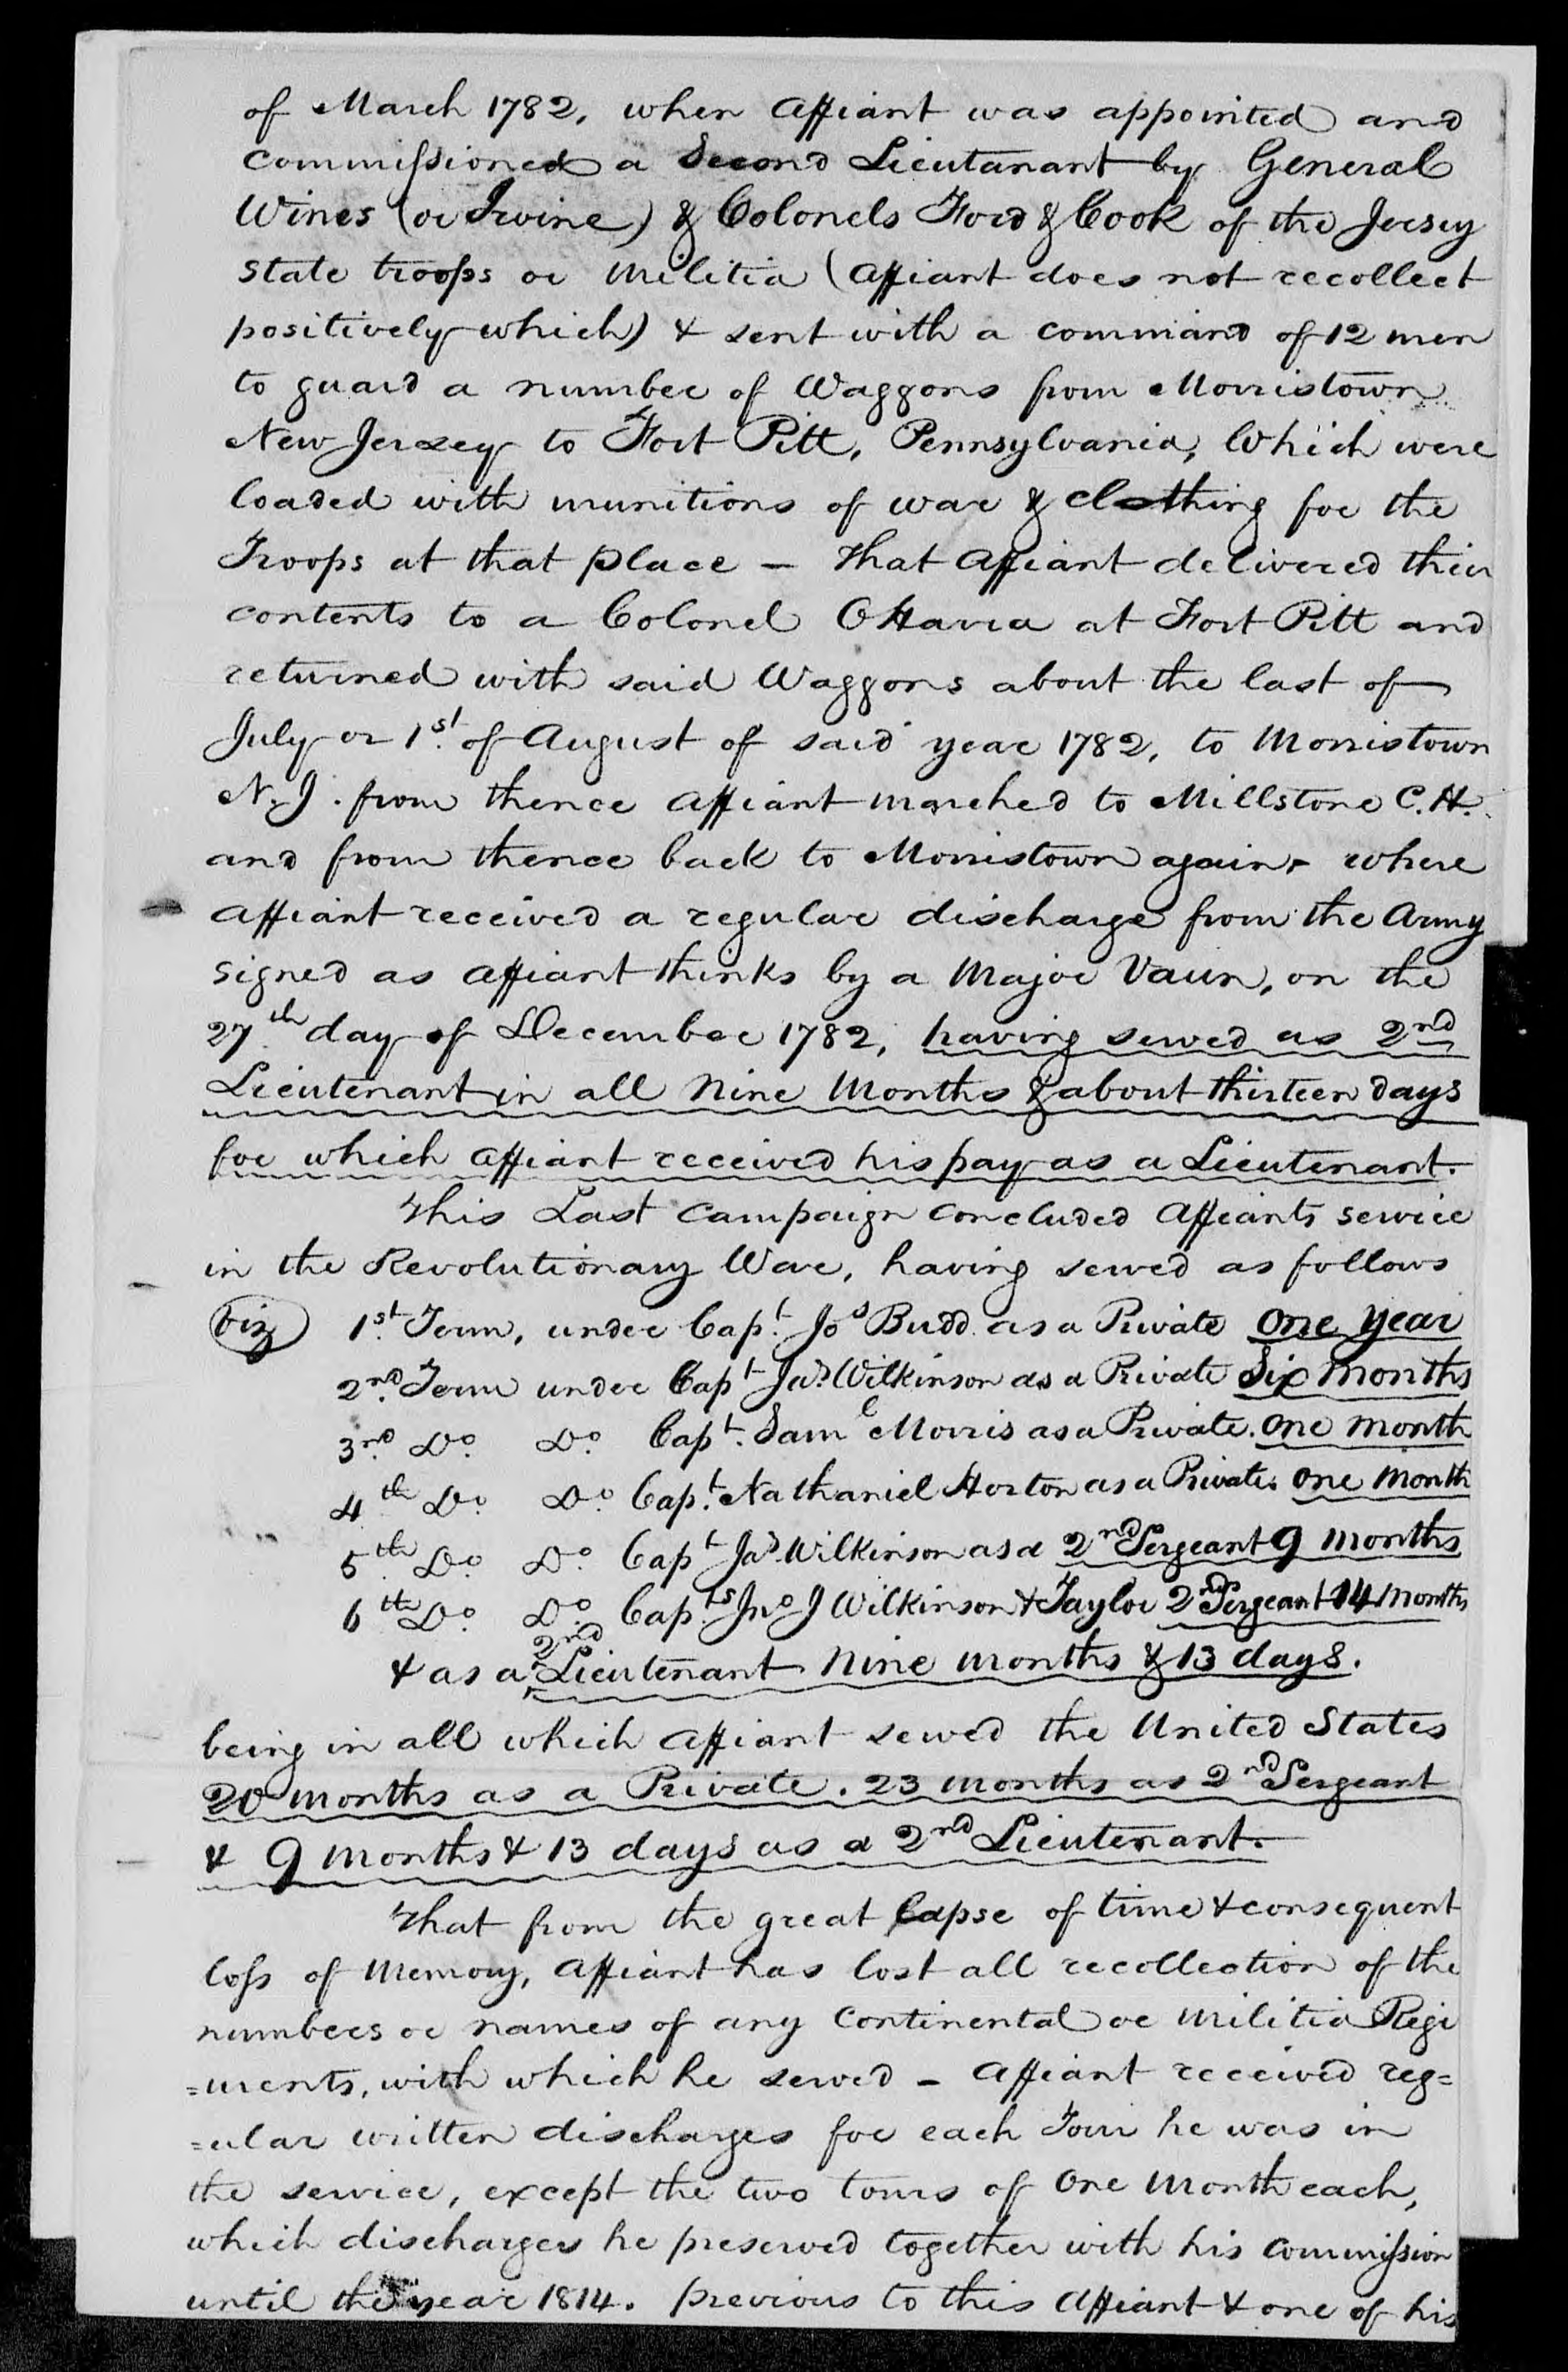of March 1782 when affiant was appointed and commissioned a Second Lieutenant by General Wines (or Irvine) & Colonels Ford & Cook of the Jersey state troops or militia (affiant does not recollect positively which) & sent with a command of 12 men to guard a number of waggons (wagons) from Morristown New Jersey to Fort Pitt, Pennsylvania, which were loaded with munitions of war & clothing for the troops at that place - that affiant delivered their contents to a Colonel O'Harra at Fort Pitt and returned with said waggons (wagons) about the last of July or 1st of August of said year 1782 to Morristown N.J. from thence affiant marched to Millstone C.H. and from thence back to Morristown again where affiant received a regular discharge from the army signed as affiant thinks by a Major Varin on the 27th day of December 1782 having served as 2nd Lieutenant in all nine months & about thirteen days for which affiant received his pay as a Lieutenant.

This last campaign concluded affiants service in the Revolutionary War having served as follows:

1st Term under Capt. Jos Dudd as a Private - one year
2nd Term under Capt. Jno Wilkinson as a Private - six months
3rd Term under Capt. Saml Morris as a Private - one month
4th Term under Capt. Nathaniel Horton as a Private - one month
5th Term under Capt. Jno J Wilkinson & Taylor 2nd Sergeant - 9 months
6th Term under Capt. Jno J Wilkinson & Taylor 2nd Sergeant - 14 months & as 2nd Lieutenant nine months & 13 days.

being in all which affiant served the United States 20 months as a Private, 23 months as 2nd Sergeant & 9 months & 13 days as a 2nd Lieutenant.
 
That from the great lapse of time & consequent loss of memory affiant has lost all recollection of the numbers or names of any continental or militia regiments with which he served - affiant received regular written discharges for each tour he was in the service except the two tours of one month each which discharges he preserved together with his commission until the year 1814 previous to this affiant & one of his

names: Cook, Wines, Jno J Wilkinson, Irvine, Varin, Jas Wilkinson, Taylor, Nathaniel Horton, Saml Morris, Ford, O Harra, Jas Wilkinson, Jos Budd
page: 6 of 35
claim: rejected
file: R. 2066, William Clutter, New Jersey